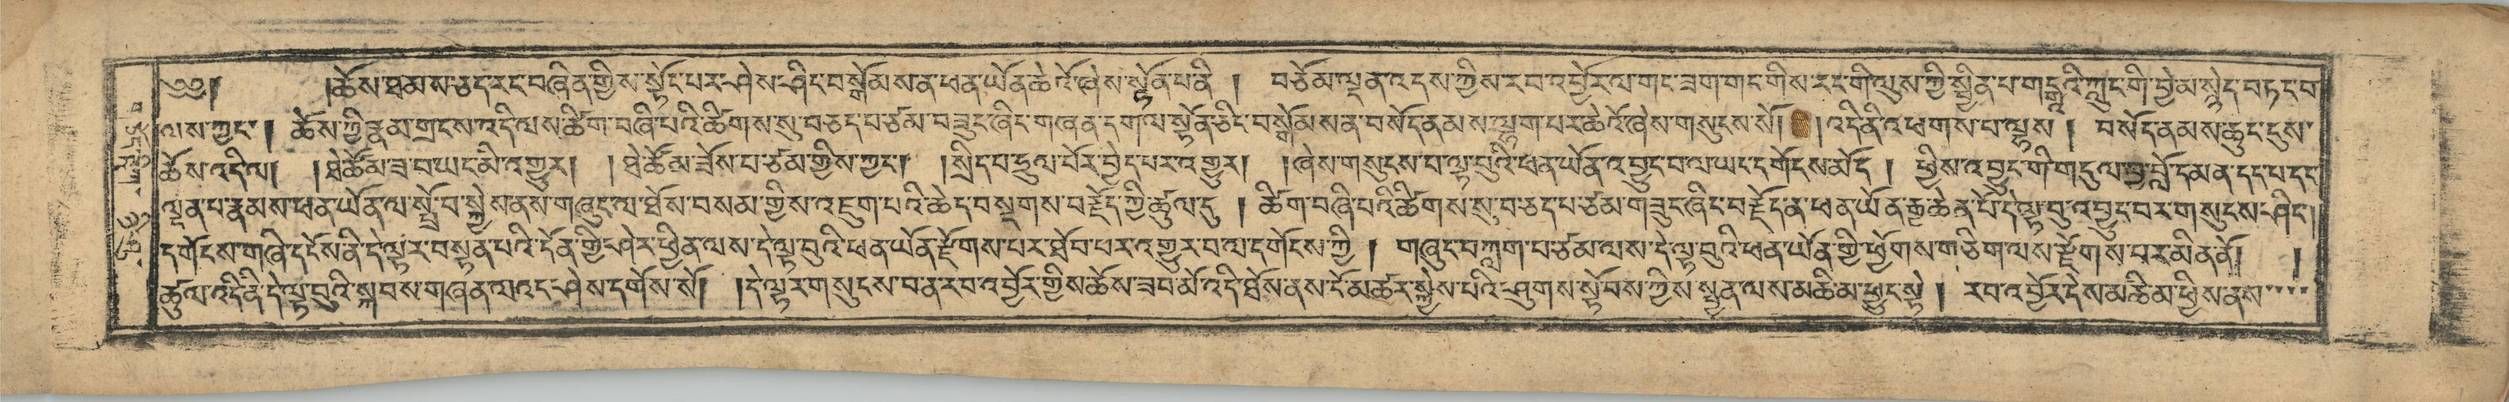༄༅། །ཆོས་ཐམས་ཅད་རང་བཞིན་གྱིས་སྟོང་བར་ཤེས་ཤིང་བསྒོམས་ན་ཕན་ཡོན་ཆེའོ་ཞེས་སྟོན་པ་ནི། བཅོམ་ལྡན་འདས་ཀྱིས་རབ་འབྱོར་ལ་གང་ཟག་གང་གིས་རང་གི་ལུས་ཀྱི་སྦྱིན་པ་གངྒཱའི་ཀླུང་གི་བྱེ་མ་སྙེད་བཏང་བ་
ལས་ཀྱང་། ཆོས་ཀྱི་རྣམ་གྲངས་འདི་ལས་ཚིག་བཞི་པའི་ཚིགས་སུ་བཅད་པ་ཙམ་བཟུང་ཞིང་གཞན་དག་ལ་སྟོན་ཅིང་བསྒོམས་ན་བསོད་ནམས་ལྷག་པར་ཆེའོ་ཞེས་གསུངས་སོ། །འདི་ནི་འཕགས་པ་ལྷས། བསོད་ནམས་ཆུང་ངུས་
ཆོས་འདི་ལ། །ཐེ་ཚོམ་ཟ་བ་ཡང་མི་འགྱུར། །ཐེ་ཚོམ་ཟོས་པ་ཙམ་གྱིས་ཀྱང་། །སྲིད་པ་ཧྲུལ་པོར་བྱེད་པར་འགྱུར། །ཞེས་གསུངས་པ་ལྟ་བུའི་ཕན་ཡོན་འབྱུང་བ་ལ་ཡང་དགོངས་མོད། ཕྱིས་འབྱུང་གི་གདུལ་བྱ་བློ་དམན་དད་པ་དང་
ལྡན་པ་རྣམས་ཕན་ཡོན་ལ་སྤྲོ་བ་སྐྱེས་ནས་གཞུང་ལ་ཐོས་བསམ་གྱིས་འཇུག་པའི་ཆེད་བསྔགས་བརྗོད་ཀྱི་ཚུལ་དུ། ཚིག་བཞི་པའི་ཚིགས་སུ་བཅད་པ་ཙམ་གཟུང་ཞིང་བརྗོད་ན་ཕན་ཡོན་རྒྱ་ཆེན་པོ་དེ་ལྟ་བུ་འབྱུང་བར་གསུངས་ཤིང་།
དགོངས་གཞི་དངོས་ནི་དེ་ལྟར་བསྟན་པའི་དོན་གྱི་ཤེར་ཕྱིན་ལས་དེ་ལྟ་བུའི་ཕན་ཡོན་རྫོགས་པར་ཐོབ་པར་འགྱུར་བ་ལ་དགོངས་ཀྱི། གཞུང་བཀླག་པ་ཙམ་ལས་དེ་ལྟ་བུའི་ཕན་ཡོན་གྱི་ཕྱོགས་གཅིག་ལས་རྫོགས་པར་མིན་ནོ། །
ཚུལ་འདི་ནི་དེ་ལྟ་བུའི་སྐབས་གཞན་ལའང་ཤེས་དགོས་སོ། །དེ་ལྟར་གསུངས་པ་ན་རབ་འབྱོར་གྱིས་ཆོས་ཟབ་མོ་འདི་ཐོས་ནས་ངོ་མཚར་སྐྱེས་པའི་ཤུགས་སྟོབས་ཀྱིས་སྤྱན་ལས་མཆི་མ་ཕྱུང་སྟེ། རབ་འབྱོར་དེས་མཆི་མ་ཕྱིས་ནས་